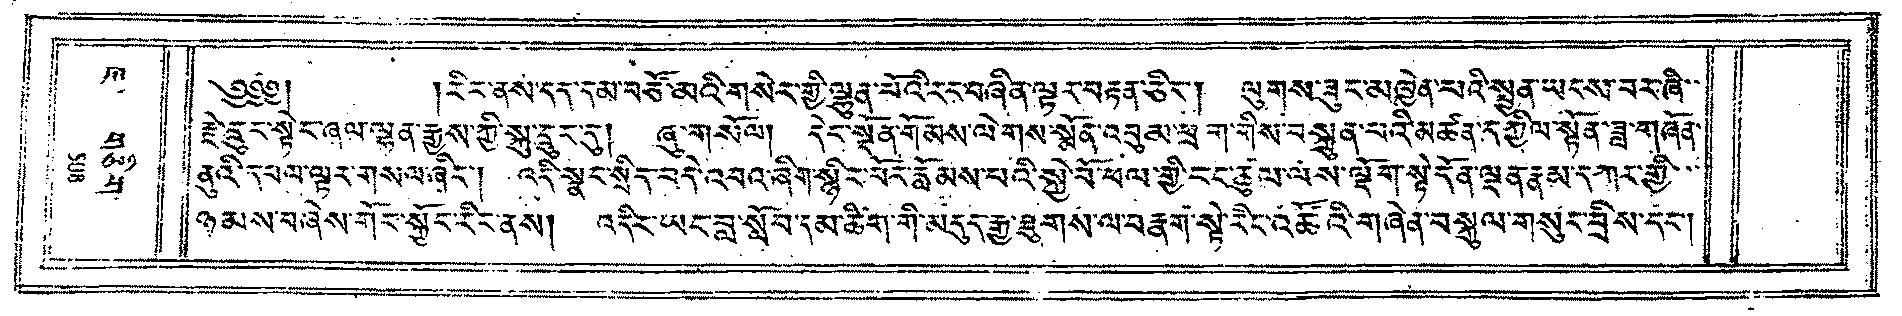༄༅༅། །རིང་ནས་དད་དམ་བཙོ་མའི་གསེར་གྱི་ལྷུན་པོའི་རང་བཞིན་ལྟར་བརྟན་ཅིང་། ལུགས་ཟུང་མཁྱེན་པའི་སྤྱན་ཡངས་པར་ཞི་
རྗེ་དྲུང་སྟེང་ཞལ་ལྷན་རྒྱས་ཀྱི་སྐུ་དྲུང་དུ། ཞུ་གསོལ། དེང་སྔོན་གོམས་ལེགས་སྨོན་འབུམ་ཕྲག་གིས་བསྐྲུན་པའི་མཚན་དཀྱིལ་སྟོན་ཟླ་གཞོན་
ནུའི་དཔལ་ལྟར་གསལ་ཞིང་། འདི་སྣང་སྲིད་བདེ་འབའ་ཞིག་སྙིང་པོར་རློམས་པའི་སྐྱེ་བོ་ཕལ་གྱི་ངང་ཚུལ་ལས་ལྡོག་སྟེ་དོན་ལྡན་རྣམ་དཀར་གྱི་
ཉམས་བཞེས་གོང་སྐྱོང་རིང་ནས། འདིར་ཡང་བླ་སློབ་དམ་ཚིག་གི་མདུད་རྒྱ་ཐུགས་ལ་བརྣག་སྟེ་རིང་འཚོའི་གཞེན་བསྐུལ་གསུང་བྲིས་དང་།